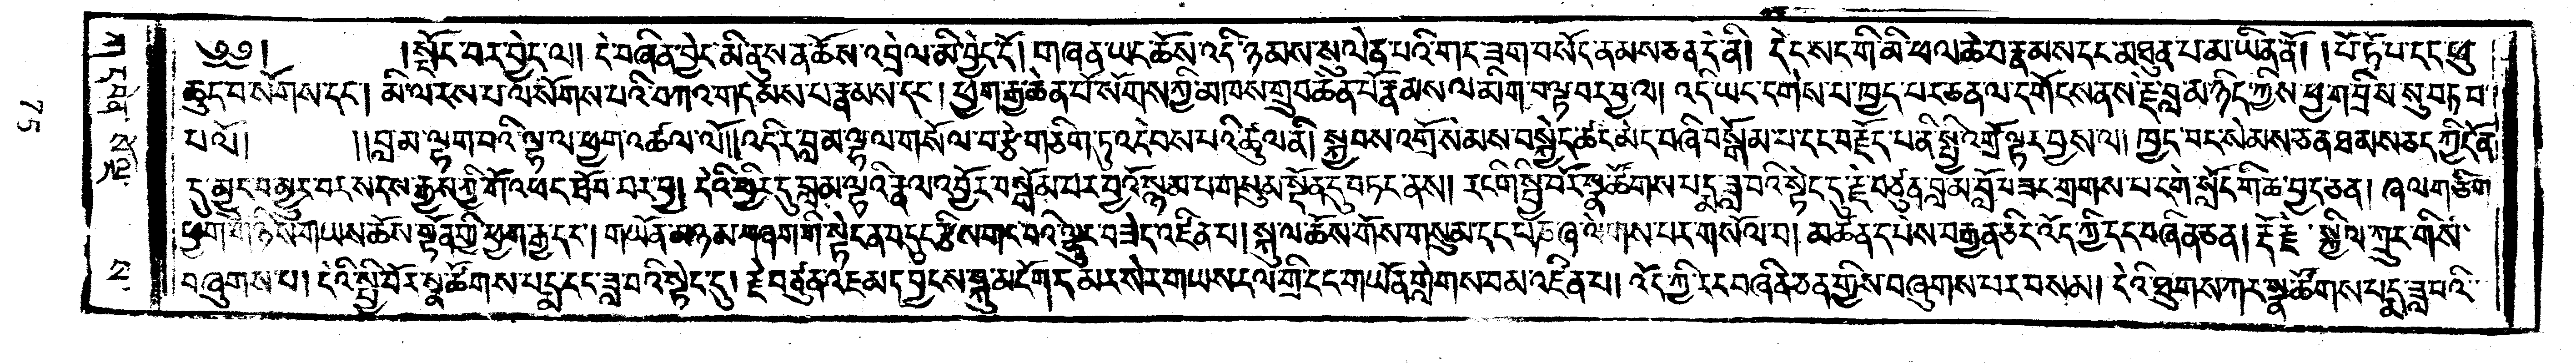༄༅། །སྤོང་བར་བྱེད་ལ། དེ་བཞིན་བྱེད་མི་ནུས་ན་ཆོས་འབྲེལ་མི་བྱེད་དོ། གཞན་ཡང་ཆོས་འདི་ཉམས་སུ་ལེན་པའི་གང་ཟག་བསོད་ནམས་ཅན་དེ་ནི། དེང་སང་གི་མི་ཕལ་ཆེ་བ་རྣམས་དང་མཐུན་པ་མ་ཡིན་ནོ། །པོ་ཏོ་པ་དད་ཕུ་
ཆུད་བ་སོགས་དང་། མི་ལ་རས་པ་ལ་སོགས་པའི་བཀའ་གདམས་པ་རྣམས་དང་། ཕྱག་རྒྱ་ཆེན་པོ་སོགས་ཀྱི་མཁས་གྲུབ་ཆེན་པོ་རྣམས་ལ་མིག་བལྟ་བར་བྱ་ལ། འདི་ཡང་དགེས་པ་ཁྱད་པར་ཅན་ལ་དགོངས་ནས་རྗེ་བླ་མ་ཉིད་ཀྱིས་ཕྱག་བྲིས་སུ་བཏབ་
པའོ།། །།བླ་མ་ལྷག་བའི་ལྷ་ལ་ཕྱག་འཚལ་ལོ། །འདིར་བླ་མ་ལྷ་ལ་གསོལ་བ་རྩེ་གཅིག་ཏུ་འདེབས་པའི་ཚུལ་ནི། སྐྱབས་འགྲོ་སེམས་བསྐྱེད་ཚང་མེད་བཞི་བསྒོམ་པ་དང་བརྗོད་པ་ནི་སྤྱི་འགྲོ་ལྟར་བྱས་ལ། ཁྱད་བང་སེམས་ཅན་ཐམས་ཅད་ཀྱི་དོན་
དུ་མྱུང་བ་མྱུར་བར་སངས་རྒྱས་ཀྱི་གོ་འཕང་ཐོབ་པར་བྱ། དེའི་ཕྱིར་དུ་བླ་མ་ལྷའི་རྣལ་འབྱོར་བསྒོམ་པར་བྱའོ་སྙམ་པ་གསུམ་སྔོན་དུ་བཏང་ནས། རང་གི་སྤྱི་བོར་སྣ་ཚོགས་པདམ་ཟླ་བའི་སྟེང་དུ་རྗེ་བཙུན་བླ་མ་བློ་བཟང་གྲགས་པ་དགེ་སློང་གི་ཆ་བྱད་ཅན། ཞལ་གཅིག་
ཕྱག་གཉིས་གཡས་ཆོས་གཏོན་གྱི་ཕྱག་རྒྱ་དང་། གཡོན་མཉམ་གཞག་གི་སྟེང་ན་བདུང་རྩིས་གང་བའི་ལྷུང་བཟེད་འཛིན་པ། སྐུ་ལ་ཆོས་གོས་གསུམ་དད་པཎ་ཞ་ལེགས་པར་གསོལ་བ། མཚན་དཔེས་བརྒྱན་ཅིང་འོད་ཀྱི་དད་བཞིན་ཅན། རྡོ་རྗེ་སྐྱིལ་ཀྲུང་གིས་
བཞུགས་པ། དེའི་སྤྱི་བོར་སྣ་ཚོགས་པདམ་དང་ཟླ་བའི་སྟེང་དུ། རྗེ་བཙུན་འཇམ་དབྱངས་སྐུ་མདོག་དམར་སེར་གཡས་རལ་གྲི་དང་གཡོན་གླེགས་བམ་འཛིན་པ། འོད་ཀྱི་རང་བཞིན་ཅན་གྱིས་བཞུགས་པར་བསམ། དེའི་ཐུགས་ཀར་སྣ་ཚོགས་པདམ་ཟླ་བའི་